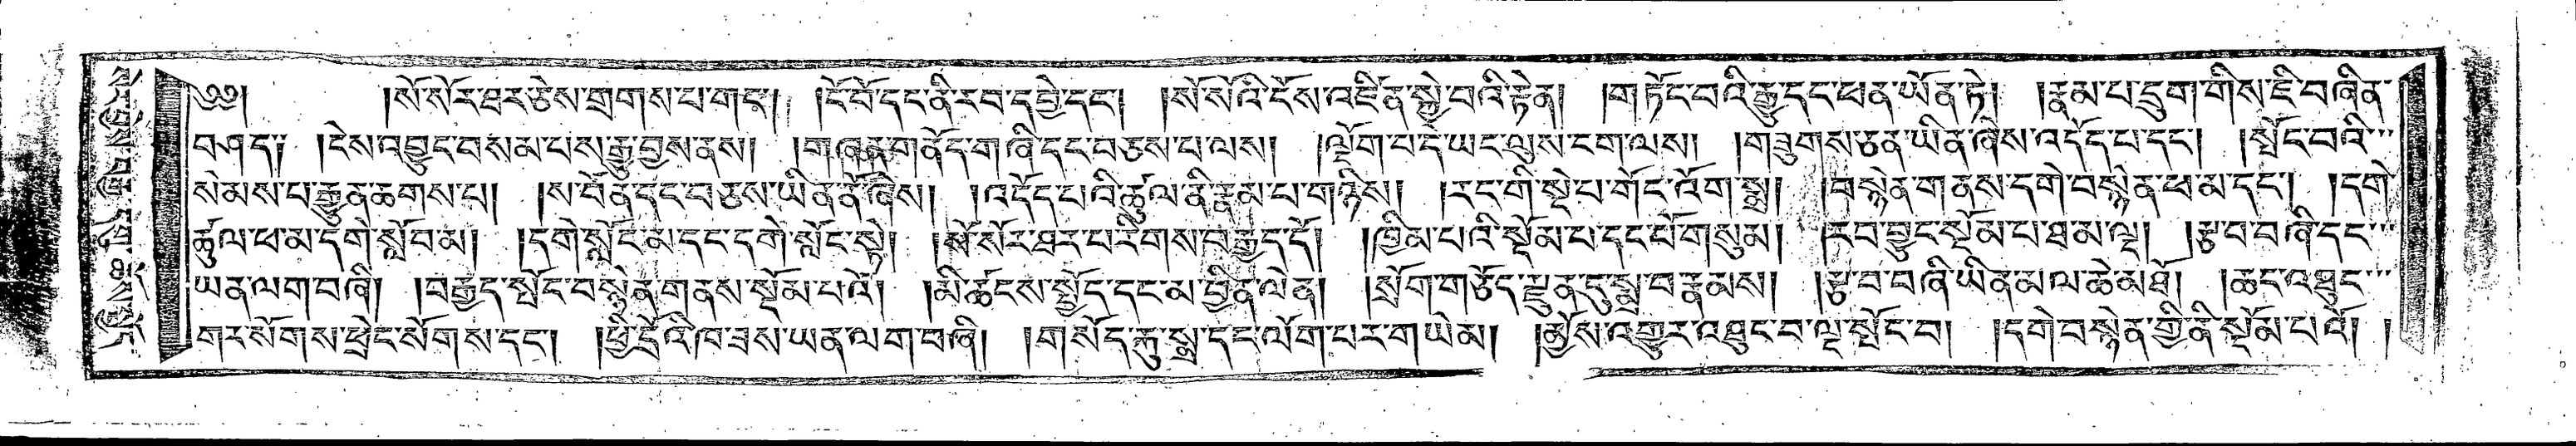༄༅། །སོ་སོར་ཐར་ཅེས་གྲགས་པ་གང་། །ངོ་བོ་དང་ནི་རབ་དབྱེ་དང་། །སོ་སོའི་ངོས་འཛིན་སྐྱེ་བའི་རྟེན། །གཏོང་བའི་རྒྱུ་དང་ཕན་ཡོན་ཏེ། །རྣམ་པ་དྲུག་གིས་ཇི་བཞིན་
བཤད༑ །ངེས་འབྱུང་བསམ་པས་རྒྱུ་བྱས་ནས། །གཞན་གནོད་གཞི་དང་བཅས་པ་ལས། །ལྡོག་པ་དེ་ཡང་ལུས་ངག་ལས། །གཟུགས་ཅན་ཡིན་ཞེས་འདོད་པ་དང་། །སྤོང་བའི་
སེམས་པ་རྒྱུན་ཆགས་པ། །ས་བོན་དང་བཅས་ཡིན་ནོ་ཞེས། །འདོད་པའི་ཚུལ་ནི་རྣམ་པ་གཉིས། །རང་གི་སྡེ་པ་གོང་འོག་སྨྲ། །བསྙེན་གནས་དགེ་བསྙེན་ཕ་མ་དང་། །དགེ་
ཚུལ་ཕ་མ་དགེ་སློབ་མ། །དགེ་སློང་མ་དང་དགེ་སློང་སྟེ། །སོ་སོར་ཐར་བ་རིགས་བ་རྒྱད་དོ། །ཁྱིམ་པའི་སྡོམ་པ་དང་པོ་གསུམ། །རབ་བྱུང་སྡོམ་པ་ཐ་མ་ལྔ། །རྩ་བཞི་དང་
ཡན་ལག་བཞི། །བརྒྱད་སྤོང་བསྙེན་གནས་སྡོམ་པའོ། །མི་ཚངས་སྤྱོད་དང་མ་བྱིན་ལེན། །སྲོག་གཅོད་རྫུན་དུ་སྨྲ་བ་རྣམས། །རྩ་བ་བཞི་ཡིན་མལ་ཆེ་མཐོ། །ཆང་འཐུང་
གར་སོགས་ཕྲེང་སོགས་དང་། །ཕྱི་དྲོའི་ཁ་ཟས་ཡན་ལག་བཞི། །གསོད་རྐུ་སྨྲ་དང་ལོག་པར་གཡེམ། །མྱོས་འགྱུར་འཐུང་བ་ལྔ་སྤོང་བ། །དགེ་བསྙེན་གྱི་ནི་སྡོམ་པའོ། །